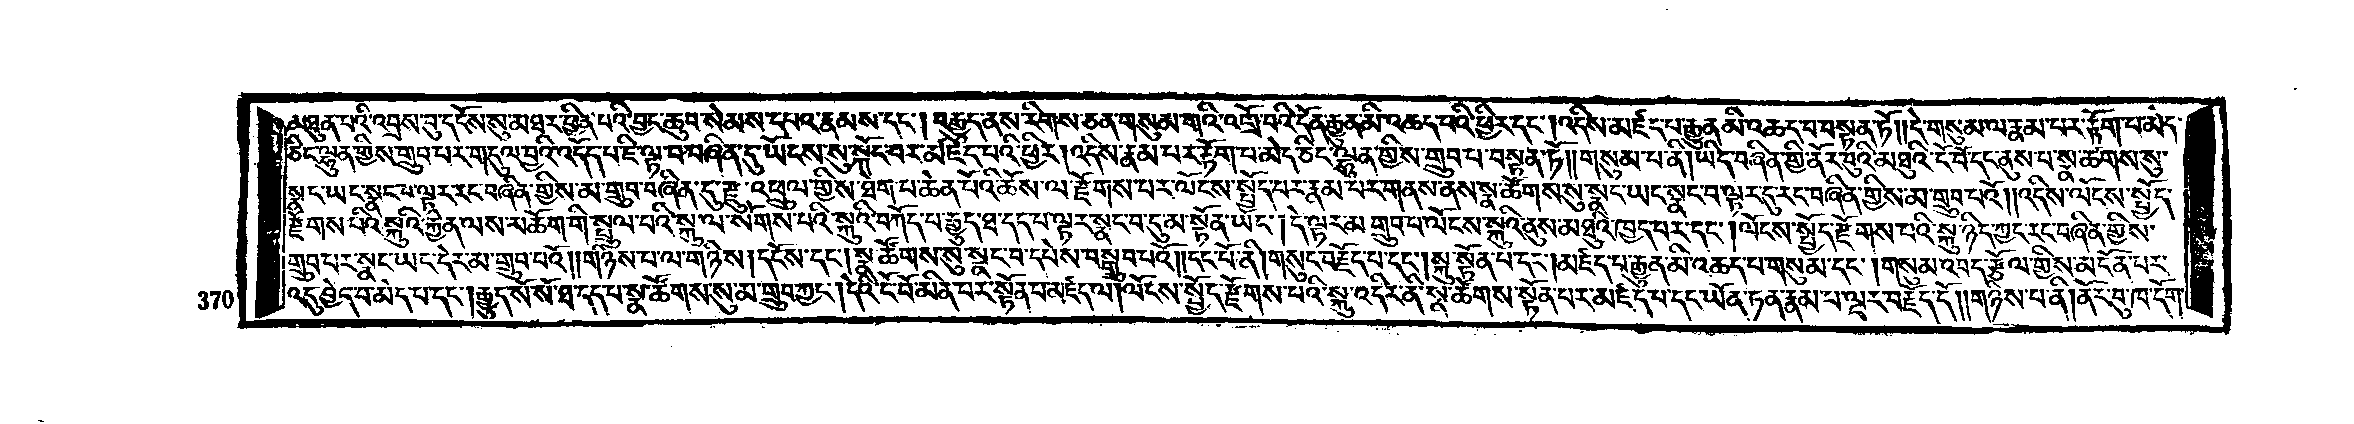མཐུན་པའི་འབྲས་བུ་དངོས་སུ་མཐར་ཕྱིན་པའི་བྱང་ཆུབ་སེམས་དཔའ་རྣམས་དང་། བརྒྱུད་ནས་རིགས་ཅན་གསུམ་གའི་འགྲོ་བའི་དོན་རྒྱུན་མི་འཆད་པའི་ཕྱིར་དང་། འདིས་མཛད་པ་རྒྱུན་མི་འཆད་པ་བསྟན་ཏོ། །དེ་གསུམ་ལ་རྣམ་པར་རྟོག་པ་མེད་
ཅིང་ལྷུན་གྱིས་གྲུབ་པར་གདུལ་བྱའི་འདོད་པ་ཇི་ལྟ་བ་བཞིན་དུ་ཡོངས་སུ་སྐོང་བར་མཛད་པའི་ཕྱིར། འདིས་རྣམ་པར་རྟོག་པ་མེད་ཅིང་ལྷུན་གྱིས་གྲུབ་པ་བསྟན་ཏོ། །གསུམ་པ་ནི། ཡིད་བཞིན་གྱི་ནོར་བུའི་མཐུའི་ངོ་བོ་དང་ནུས་པ་སྣ་ཚོགས་སུ་
སྣང་ཡང་སྣང་བ་ལྟར་རང་བཞིན་གྱིས་མ་གྲུབ་བཞིན་དུ་རྫུ་འཕྲུལ་གྱིས་ཐེག་པ་ཆེན་པོའི་ཆོས་ལ་རྫོགས་པར་ལོངས་སྤྱོད་པར་རྣམ་པར་གནས་ནས་སྣ་ཚོགས་སུ་སྣང་ཡང་སྣང་བ་ལྟར་དུ་རང་བཞིན་གྱིས་མ་གྲུབ་པའོ། །འདིས་ལོངས་སྤྱོད་
རྫོགས་པའི་སྐུའི་རྐྱེན་ལས་མཆོག་གི་སྤྲུལ་པའི་སྐུ་ལ་སོགས་པའི་སྐུའི་བཀོད་པ་རྒྱུད་ཐ་དད་པ་ལྟར་སྣང་བ་དུ་མ་སྟོན་ཡང་། དེ་ལྟར་མ་གྲུབ་པ་ལོངས་སྐུའི་ནུས་མཐུའི་ཁྱད་པར་དང་། ལོངས་སྤྱོད་རྫོགས་པའི་སྐུ་ཉིད་ཀྱང་རང་བཞིན་གྱིས་
གྲུབ་པར་སྣང་ཡང་དེར་མ་གྲུབ་པའོ། །གཉིས་པ་ལ་གཉིས། དངོས་དང་། སྣ་ཚོགས་སུ་སྣང་བ་དཔེས་བསྒྲུབ་པའོ། །དང་པོ་ནི། གསུང་བརྗོད་པ་དང་། སྐུ་སྟོན་པ་དང་། མཛད་པ་རྒྱུན་མི་འཆད་པ་གསུམ་དང་། གསུམ་འབད་རྩོལ་གྱིས་མངོན་པར་
འདུ་བྱེད་པ་མེད་པ་དང་། རྒྱུད་སོ་སོ་ཐ་དད་པ་སྣ་ཚོགས་སུ་མ་གྲུབ་ཀྱང་། དེའི་ངོ་བོ་མིན་པར་སྟོན་པ་མཛད་ལ། ལོངས་སྤྱོད་རྫོགས་པའི་སྐུ་འདིར་ནི་སྣ་ཚོགས་སྟོན་པར་མཛད་པ་དང་ཡོན་ཏན་རྣམ་པ་ལྔར་བརྗོད་དོ། །གཉིས་པ་ནི། ནོར་བུ་ཁ་དོག་